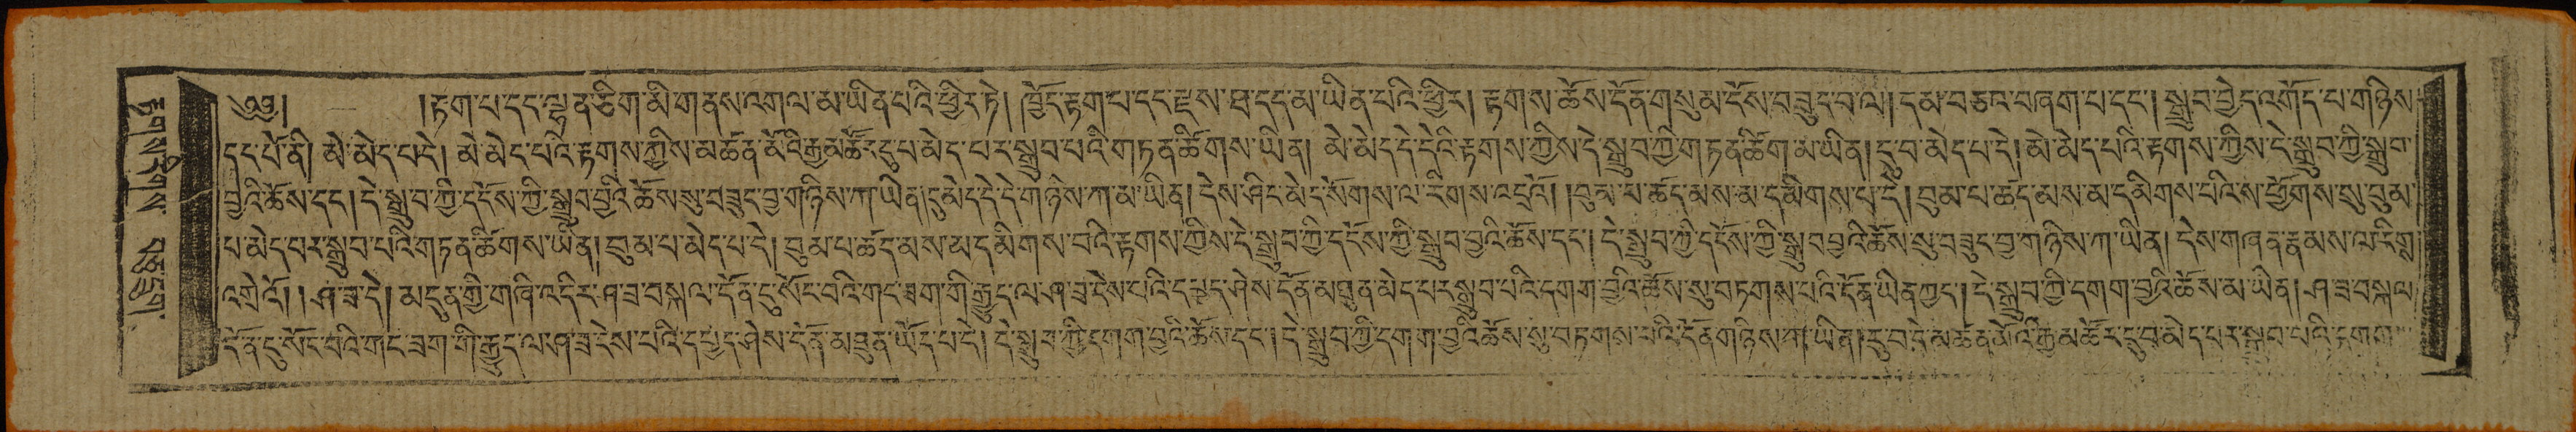༄༅། །རྟག་པ་དང་ལྷན་ཅིག་མི་གནས་འགལ་མ་ཡིན་པའི་ཕྱིར་ཏེ། ཁྱོད་རྟག་པ་དང་རྫས་ཐ་དད་མ་ཡིན་པའི་ཕྱིར། རྟགས་ཆོས་དོན་གསུམ་ངོས་བཟུང་བ་ལ། དམ་བཅའ་བཞག་པ་དང་། སྒྲུབ་བྱེད་འགོད་པ་གཉིས་
དང་པོ་ནི། མེ་མེད་པ་དེ། མེ་མེད་པའི་རྟགས་ཀྱིས་མཚན་མོའི་རྒྱ་མཚོར་དུ་བ་མེད་པར་སྒྲུབ་པའི་གཏན་ཚིགས་ཡིན། མེ་མེད་དེ་དེའི་རྟགས་ཀྱིས་དེ་སྒྲུབ་ཀྱི་གཏན་ཚིག་མ་ཡིན། དུ་བ་མེད་པ་དེ། མེ་མེད་པའི་རྟགས་ཀྱིས་དེ་སྒྲུབ་ཀྱི་སྒྲུབ་
བྱའི་ཆོས་དང་། དེ་སྒྲུབ་ཀྱི་དངོས་ཀྱི་སྒྲུབ་བྱའི་ཆོས་སུ་བཟུང་བྱ་གཉིས་ཀ་ཡིན། དུ་མེད་དེ་དེ་གཉིས་ཀ་མ་ཡིན། དེས་ཤིང་མེད་སོགས་ལ་རིགས་འདྲའོ། །བུམ་པ་ཚད་མས་མ་དམིགས་པ་དེ། བུམ་པ་ཚད་མས་མ་དམིགས་པའི་ས་ཕྱོགས་སུ་བུམ་
པ་མེད་པར་སྒྲུབ་པའི་གཏན་ཚིགས་ཡིན། བུམ་པ་མེད་པ་དེ། བུམ་པ་ཚད་མས་མ་དམིགས་པའི་རྟགས་ཀྱིས་དེ་སྒྲུབ་ཀྱི་དངོས་ཀྱི་སྒྲུབ་བྱའི་ཆོས་དང་། དེ་སྒྲུབ་ཀྱི་དངོས་ཀྱི་སྒྲུབ་བྱའི་ཆོས་སུ་བཟུང་བྱ་གཉིས་ཀ་ཡིན། དེས་གཞན་རྣམས་ལ་རིགས་
འགྲེའོ།།ཤ་ཟ་དེ། མདུན་གྱི་གཞི་འདིར་ཤ་ཟ་བསྐལ་དོན་དུ་སོང་བའི་གང་ཟག་གི་རྒྱུད་ལ་ཤ་ཟ་དེས་པའི་དཔྱད་ཤེས་དོན་མཐུན་མེད་པར་སྒྲུབ་པའི་དགག་བྱའི་ཆོས་སུ་བཏགས་པའི་དོན་ཡིན་ཀྱང་། དེ་སྒྲུབ་ཀྱི་དགག་བྱའི་ཆོས་མ་ཡིན། ཤ་ཟ་བསྐལ་
དོན་དུ་སོང་བའི་གང་ཟག་གི་རྒྱུད་ལ་ཤ་ཟ་ངེས་པའི་དཔྱད་ཤེས་དོན་མཐུན་ཡོད་པ་དེ། དེ་སྒྲུབ་ཀྱི་དགག་བྱའི་ཆོས་དང་། དེ་སྒྲུབ་ཀྱི་དགག་བྱའི་ཆོས་སུ་བཏགས་པའི་དོན་གཉིས་ཀ་ཡིན། དུ་བ་དེ་མཚན་མོའི་རྒྱ་མཚོར་དུ་བ་མེད་པར་སྒྲུབ་པའི་དགག་